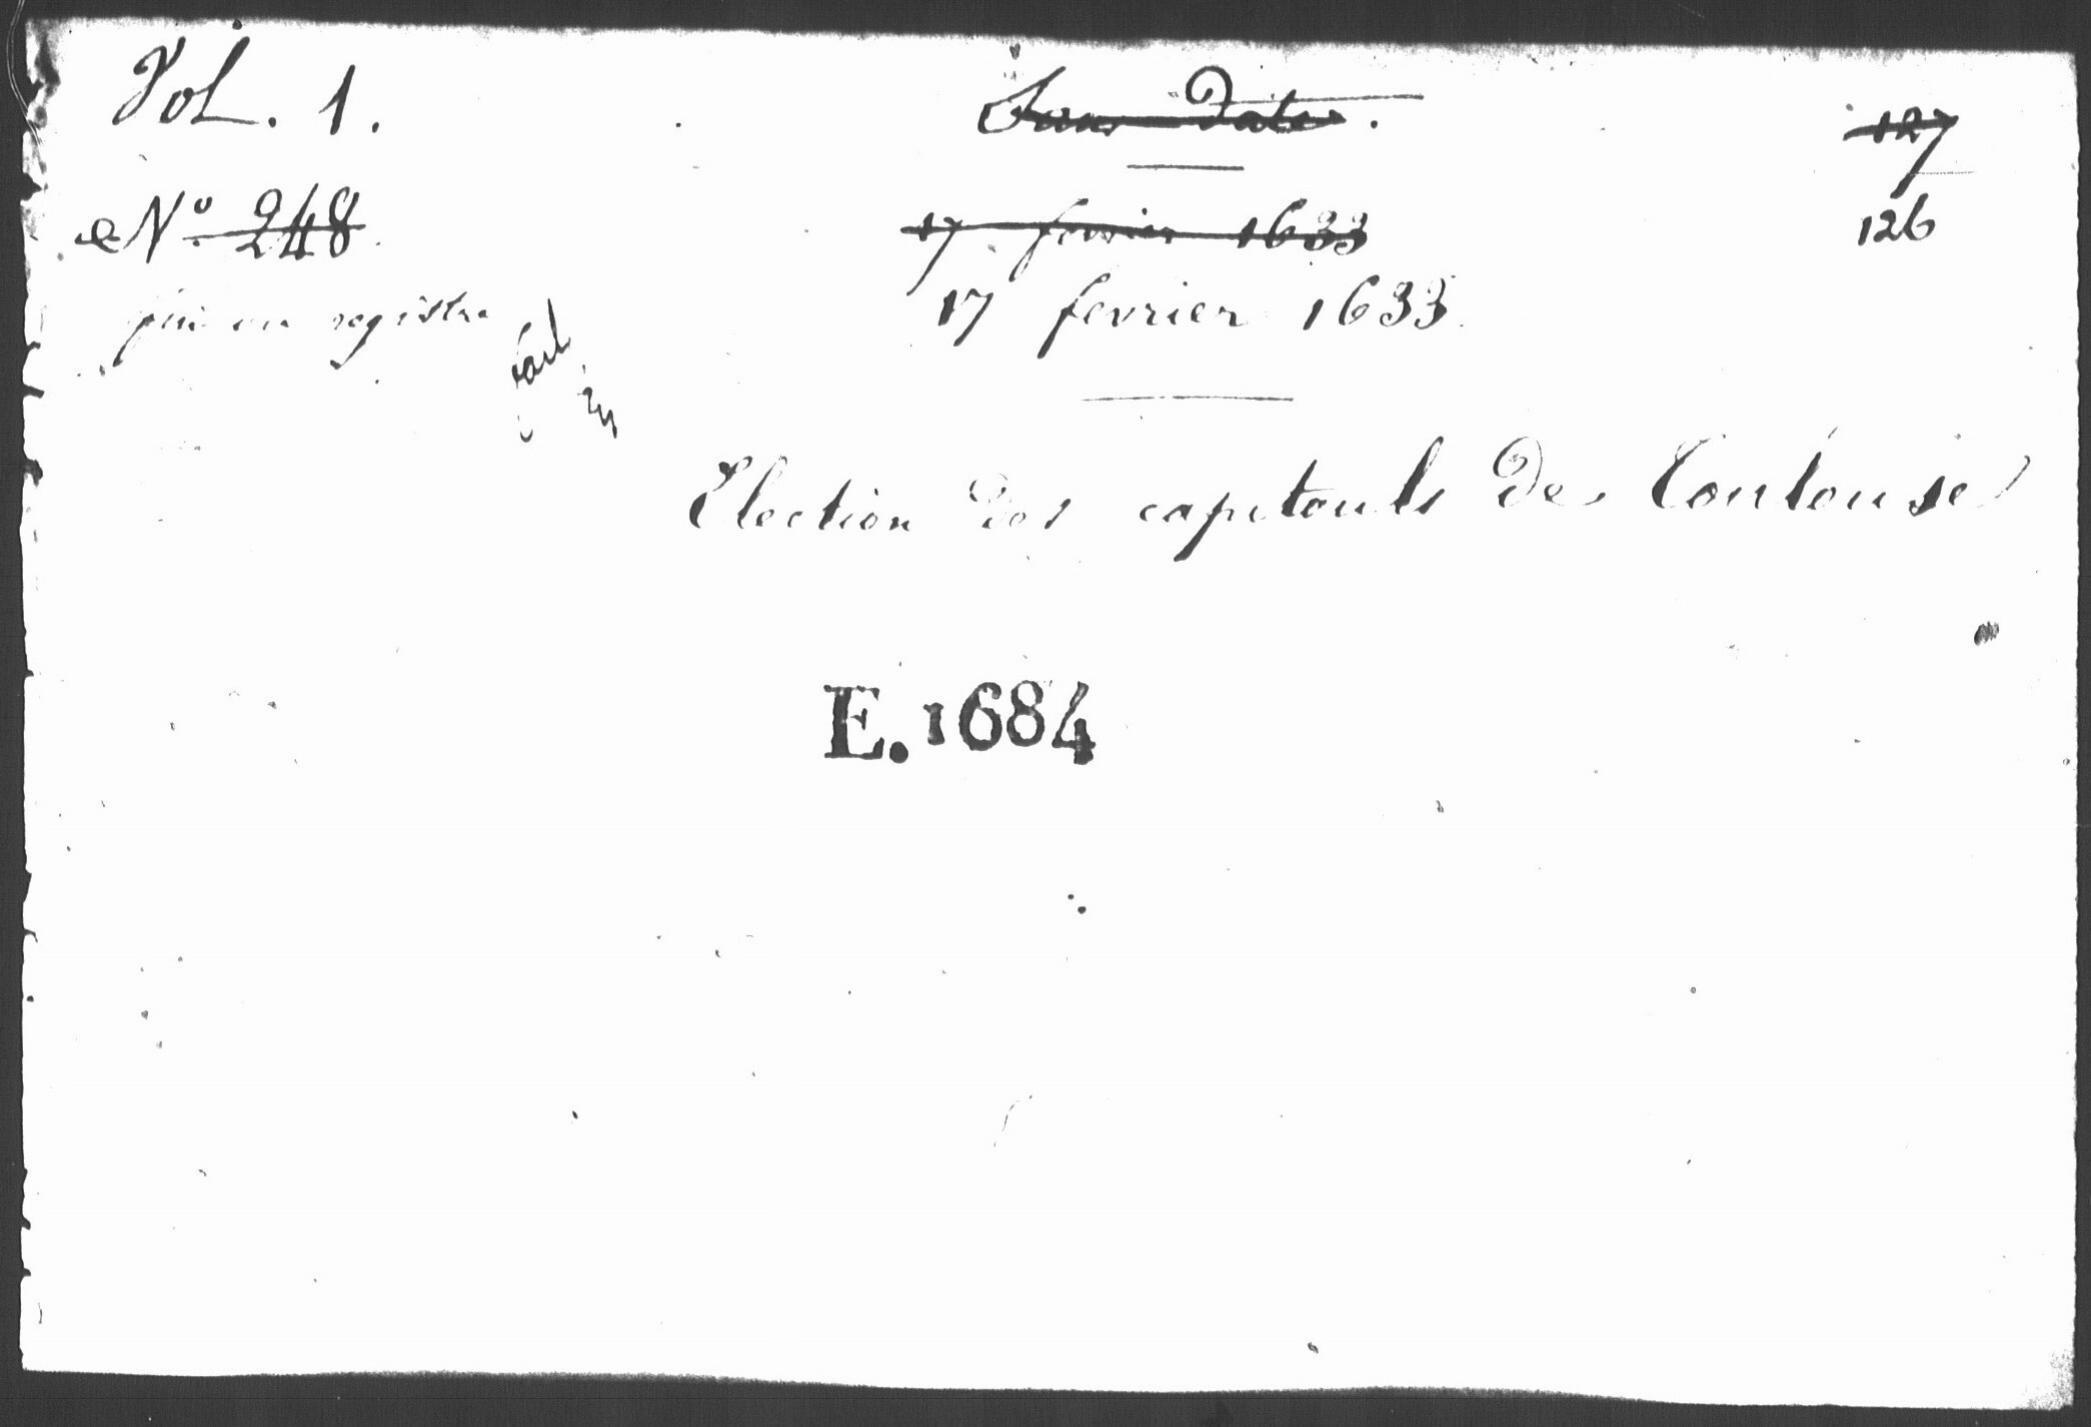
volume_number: n°248
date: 17 février 1633
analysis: pris [?] en registre fait 126 [127 barré]
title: Election des capitouls de Toulouse
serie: E
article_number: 1684
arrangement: vol. 1.
